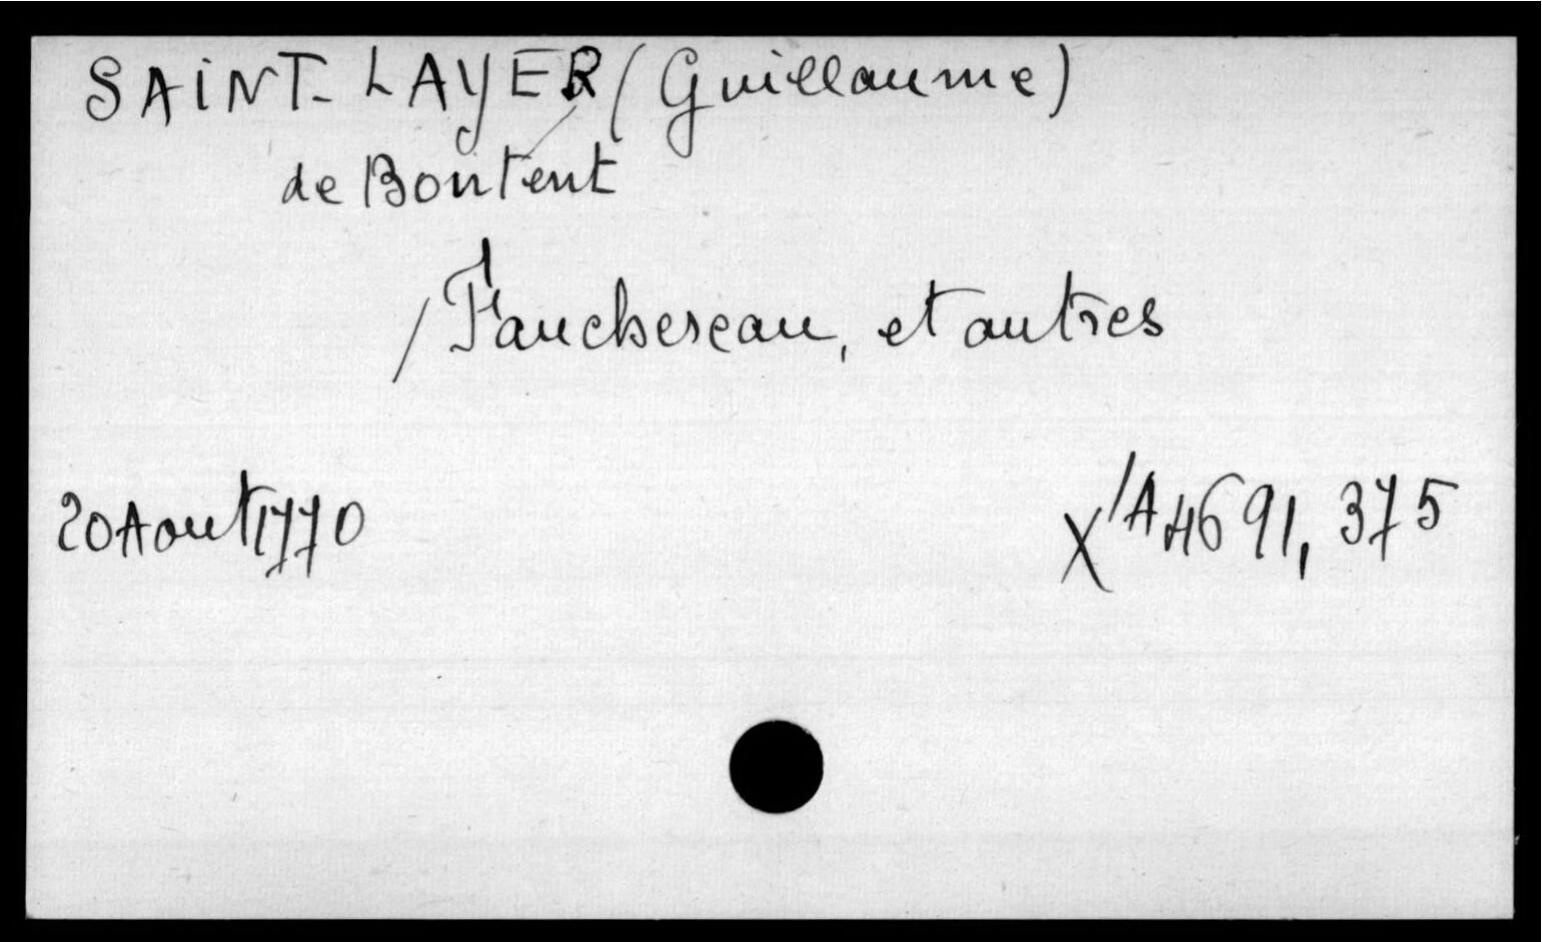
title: SAINT-LAYER (Guillaume) de Bontent
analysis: Contre Fauchereau, et autres
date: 20 août 1770
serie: X1A
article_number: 4691
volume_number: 375
